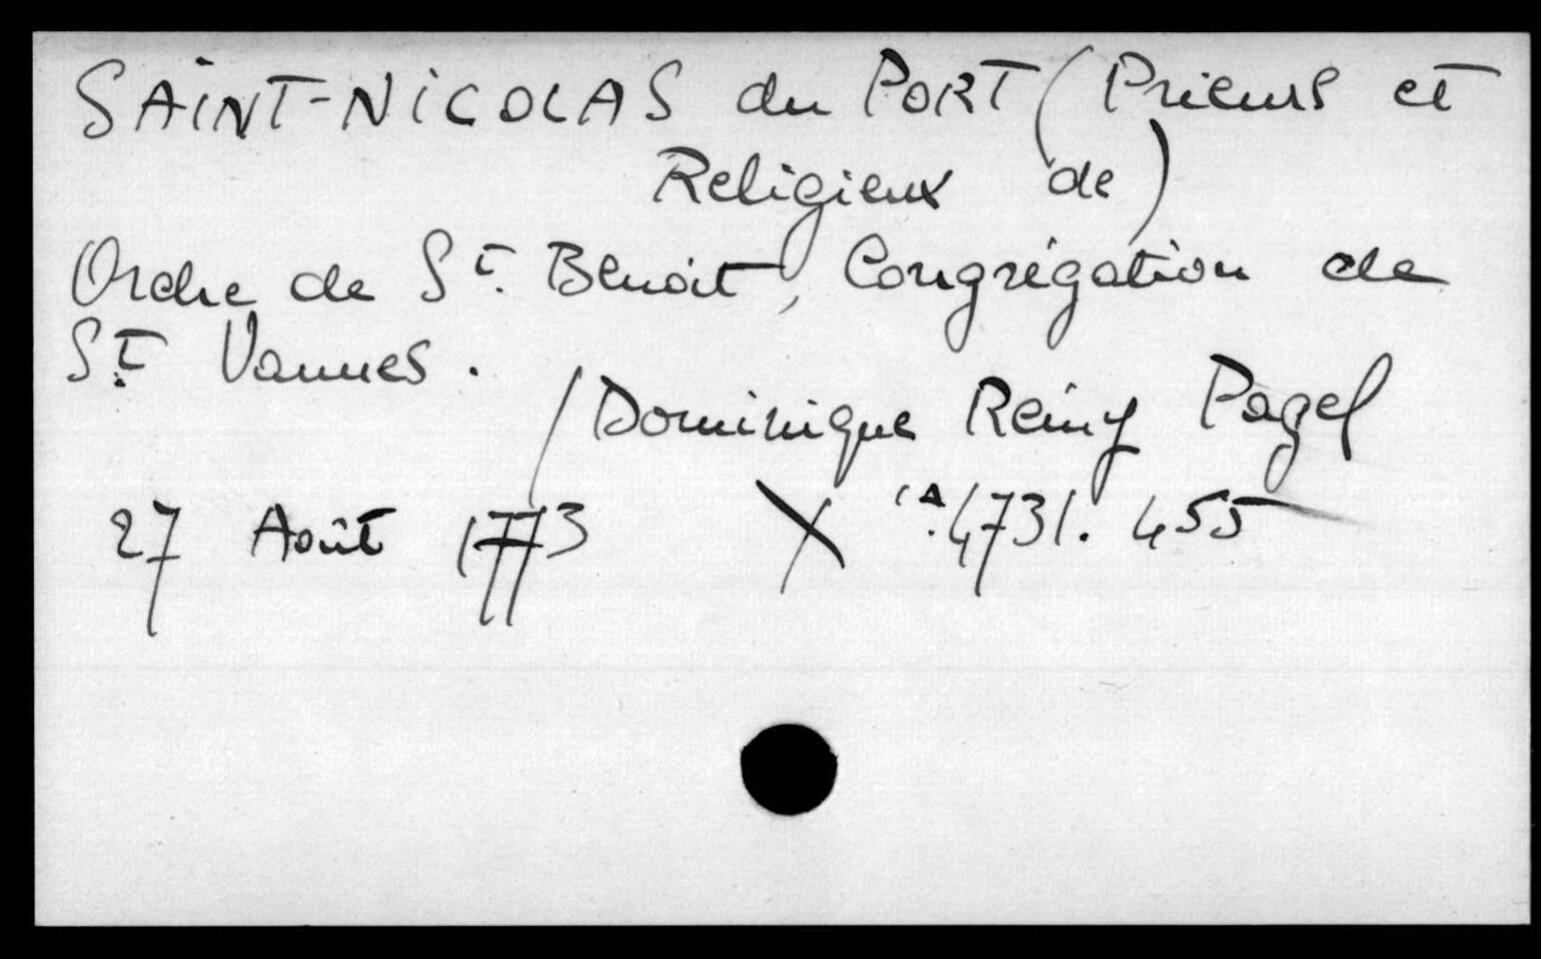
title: SAINT-NICOLAS du PORT (Prieurs et Religieux de) Ordre de Saint-Benoît, Congrégation de Saint-Vannes
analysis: Contre Dominique Rémy Pagel
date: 27 août 1773
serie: X1A
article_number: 4731
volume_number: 455
